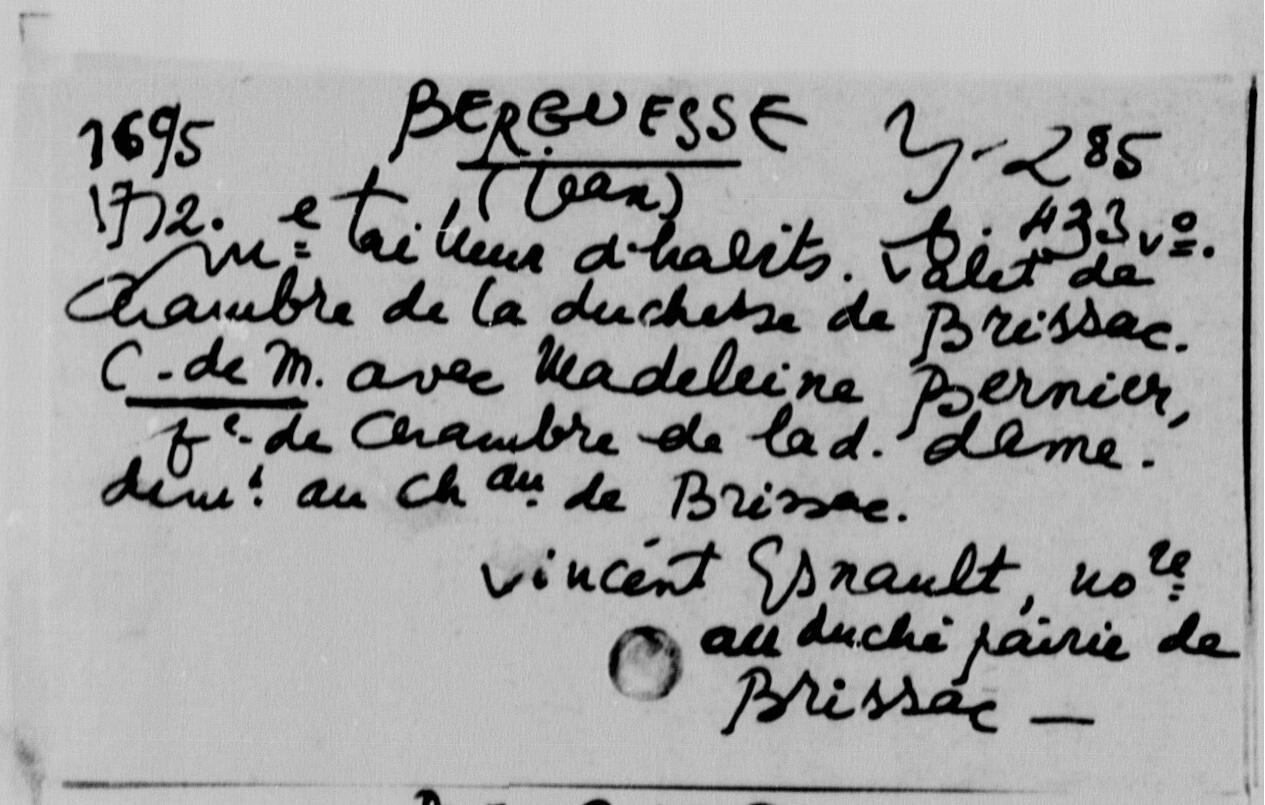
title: BERGUESSE (Jean)
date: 1695-1712
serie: Y
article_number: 285
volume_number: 433v
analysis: Maître tailleur d'habits, valet de chambre de la duchesse de Brissac. Contrat de mariage avec Madeleine Bernier, fille de Chambre de ladicte dame, demeurant au château de Brissac. Vincent Esnault, notaire. au duché paierie de Brissac.
